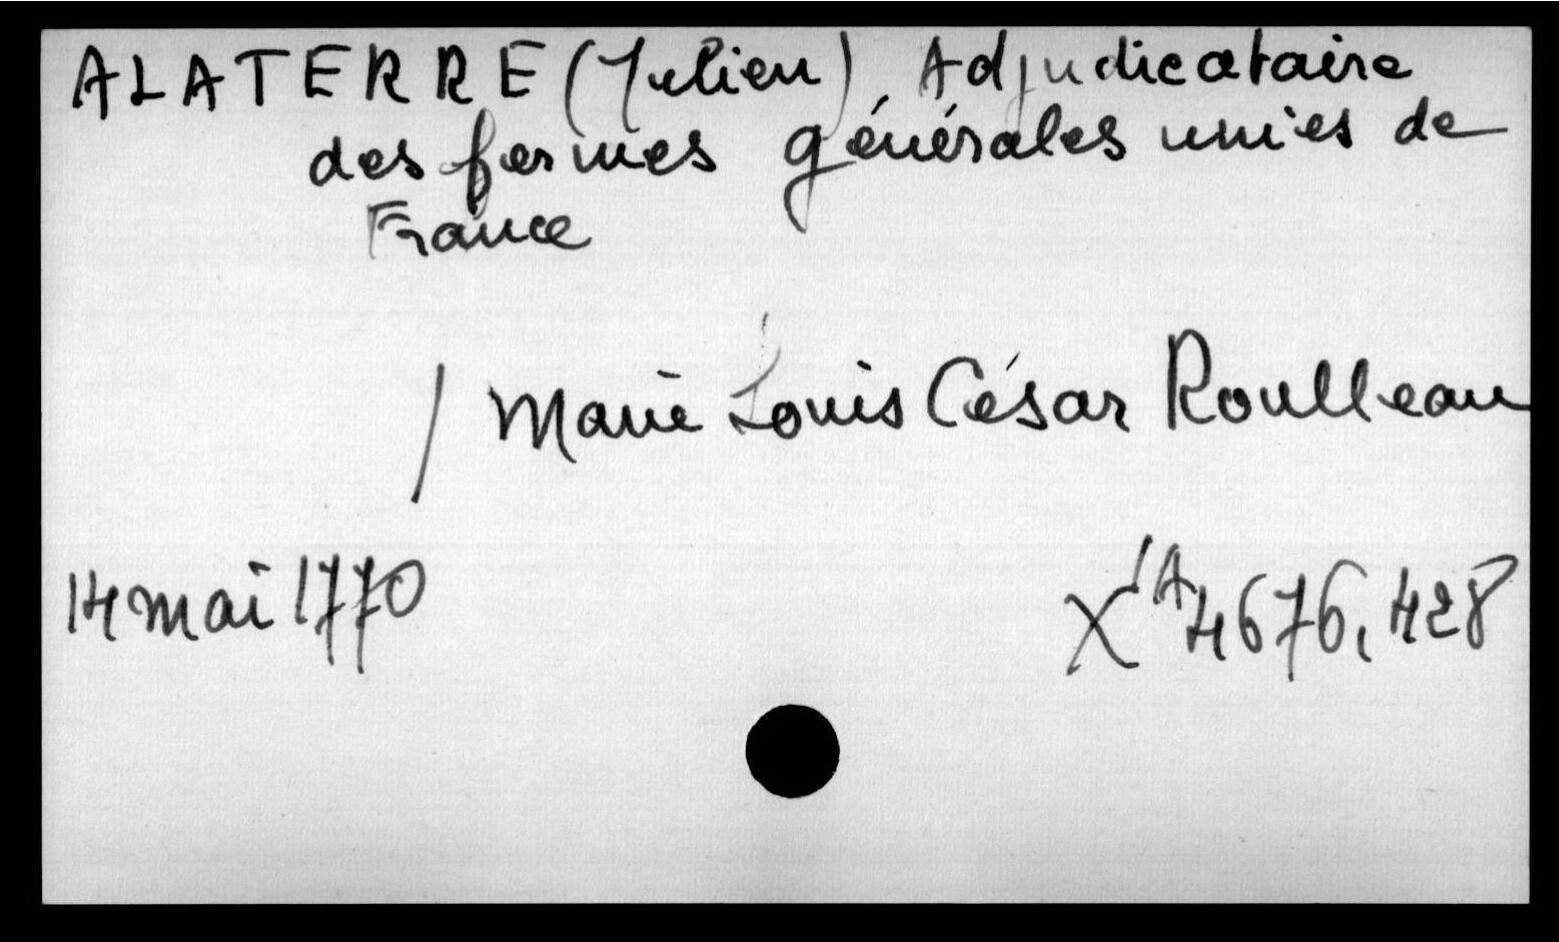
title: ALATERRE (Julien), Adjudicataire des fermes générales unies de France
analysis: Contre Marie Louis César Roulleau
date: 14 mai 1770
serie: X1A
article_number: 4676
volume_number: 428
